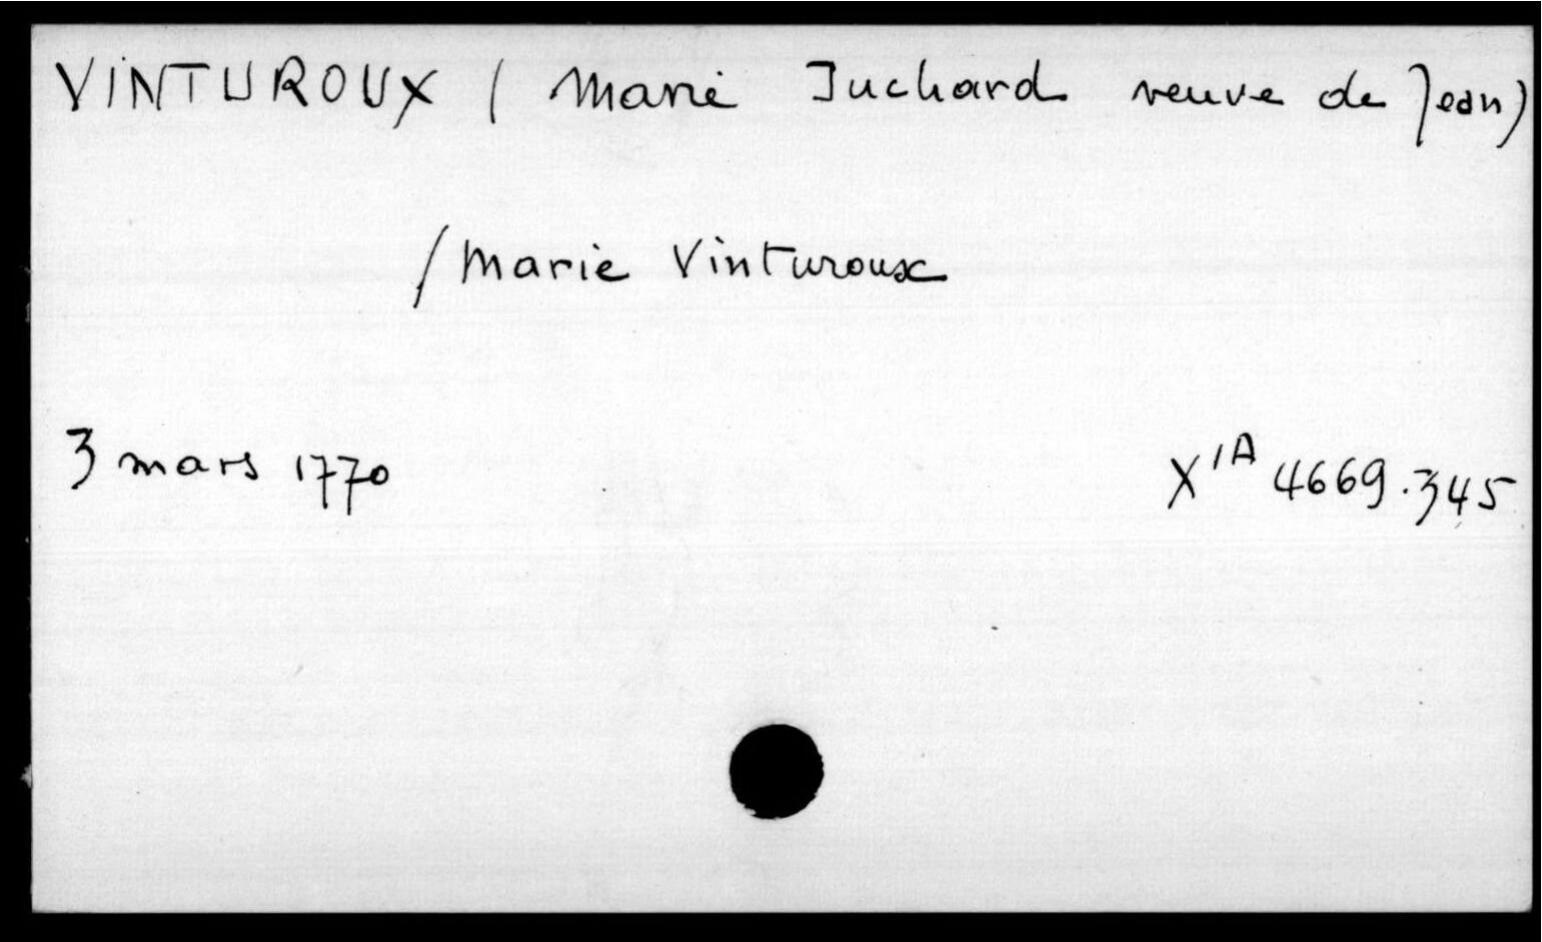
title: VINTUROUX (Marie Juchard veuve de Jean)
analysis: Contre Marie Vinturoux
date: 3 mars 1770
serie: X1A
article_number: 4669
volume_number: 345
